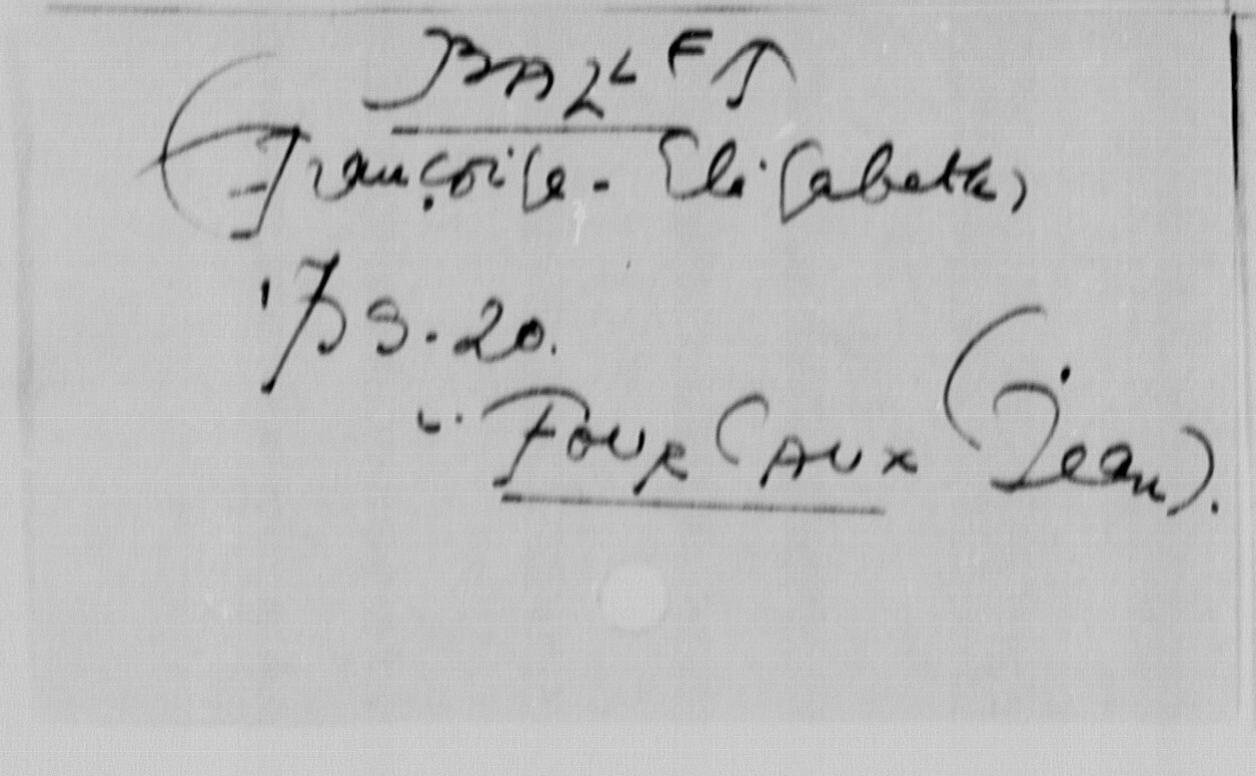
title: BALLET (Françoise Elisabeth)
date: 1709-1720
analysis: Voir FOURCAUX (Jean)
